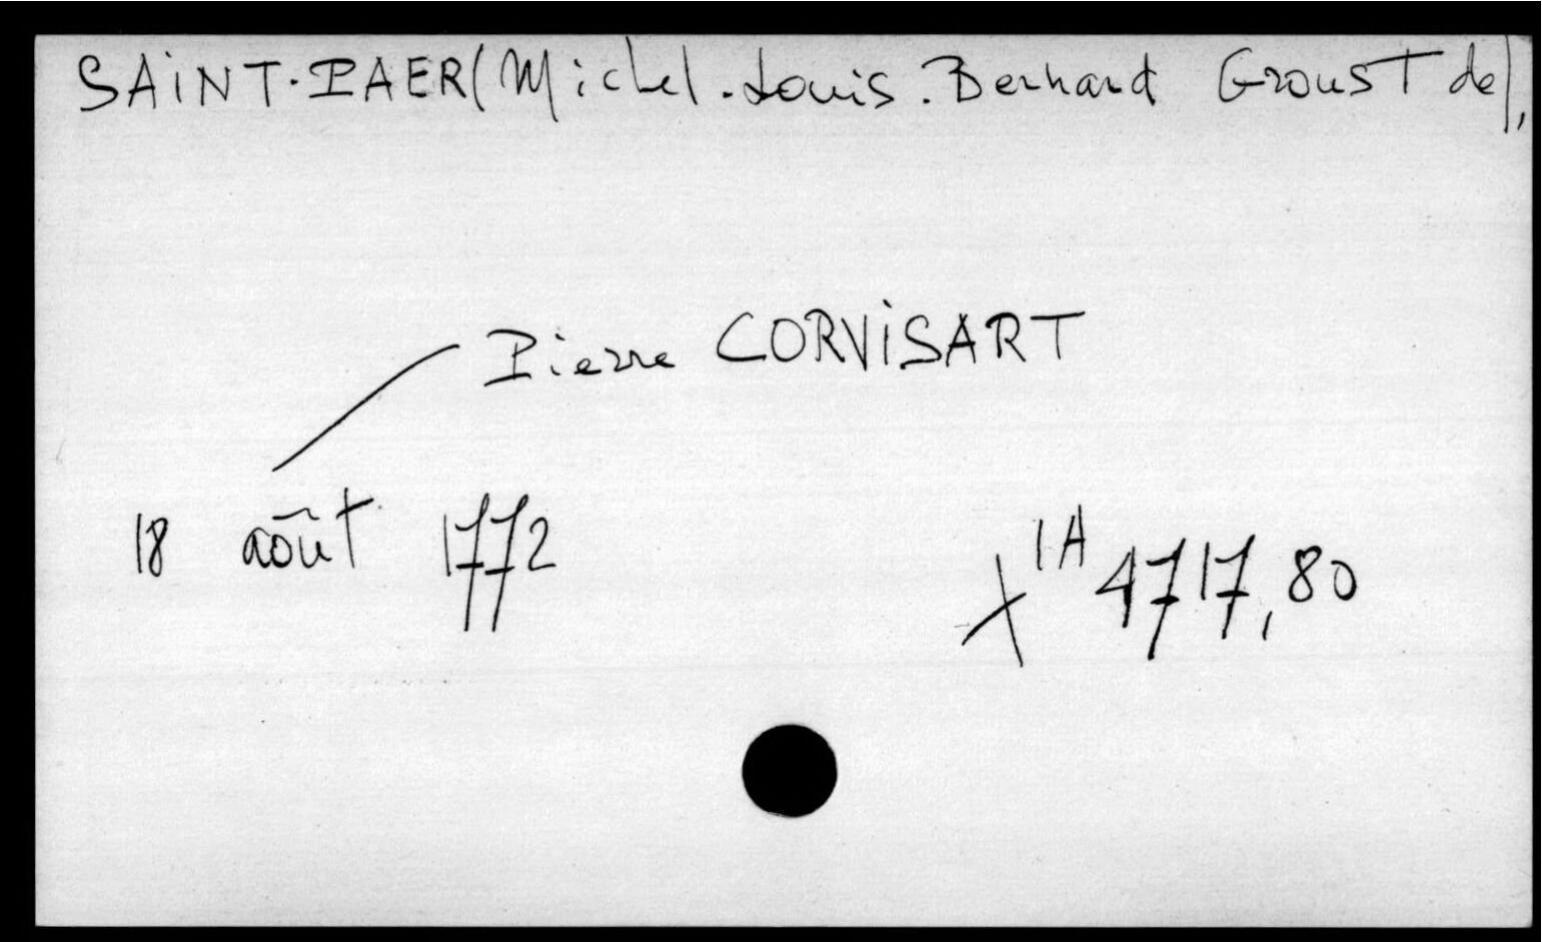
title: SAINT-PAER (Michel-Louis-Bernard Groust de)
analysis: Contre Pierre CORVISART
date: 18 août 1772
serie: X/1A
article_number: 4717
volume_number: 80
